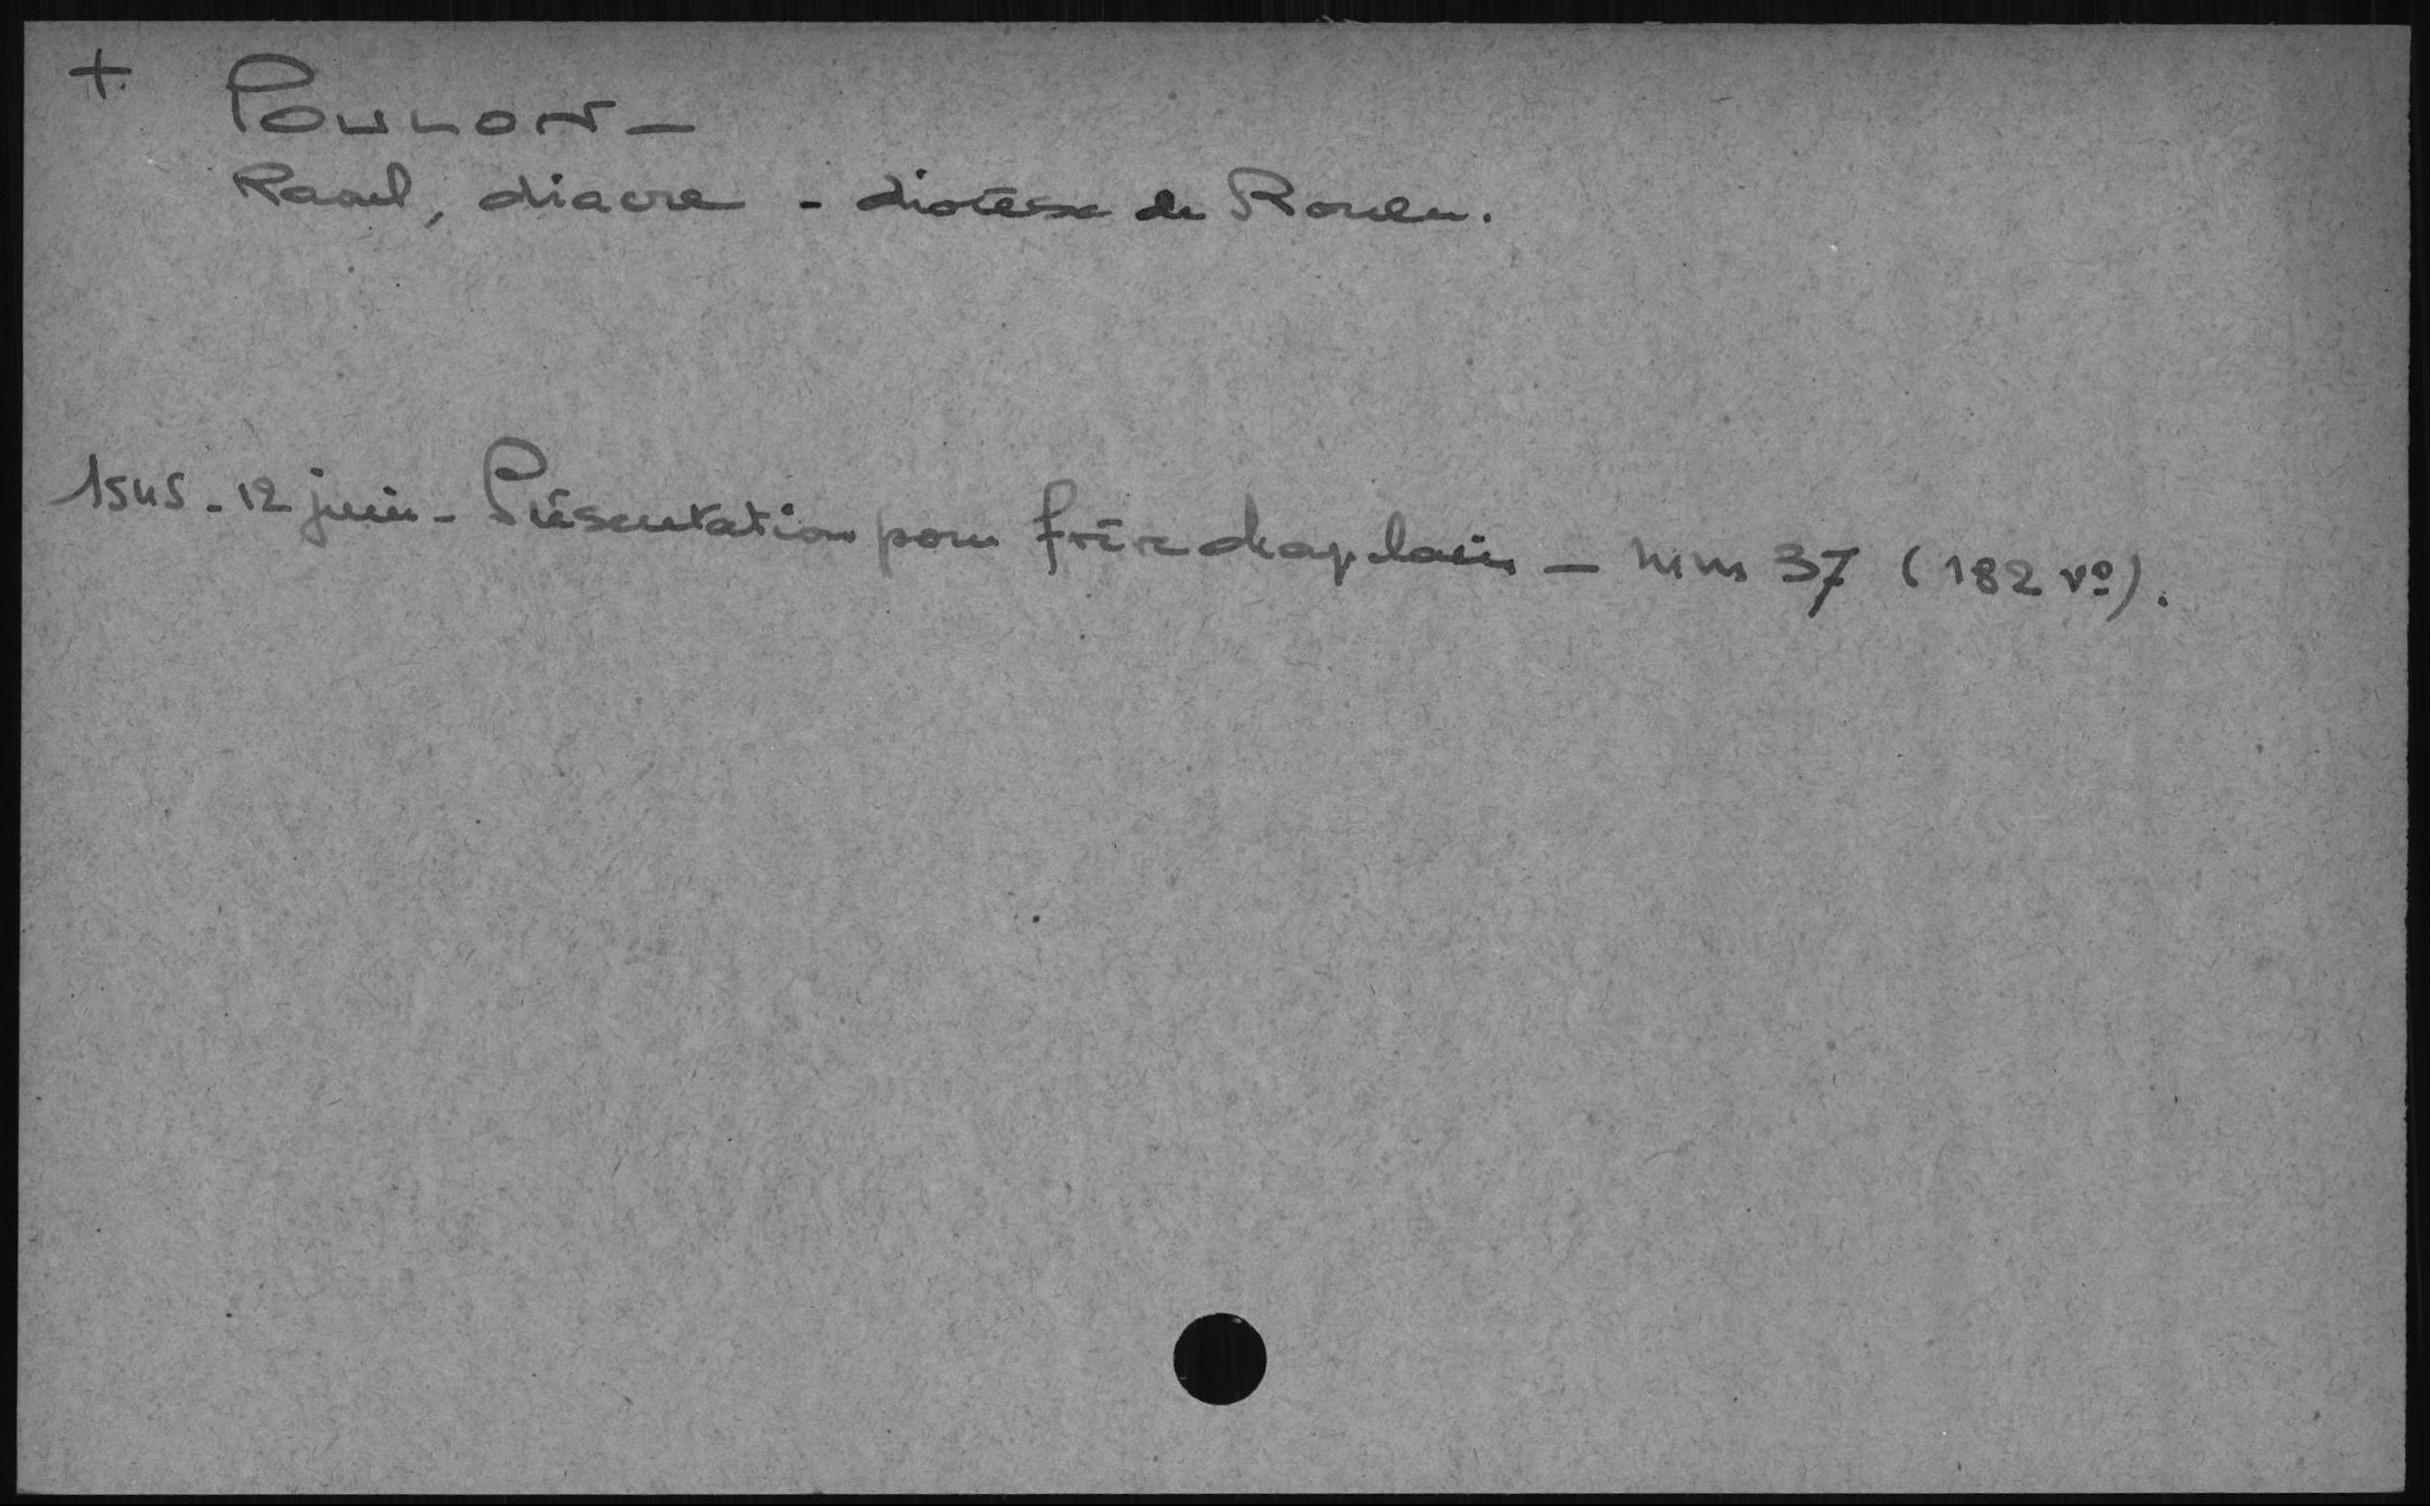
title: + POULON, Raoul, diacre, diocèse de Rouen.
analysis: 1545, 12 juin.Présentation pour frère chapelain. MM 37 (182v).
